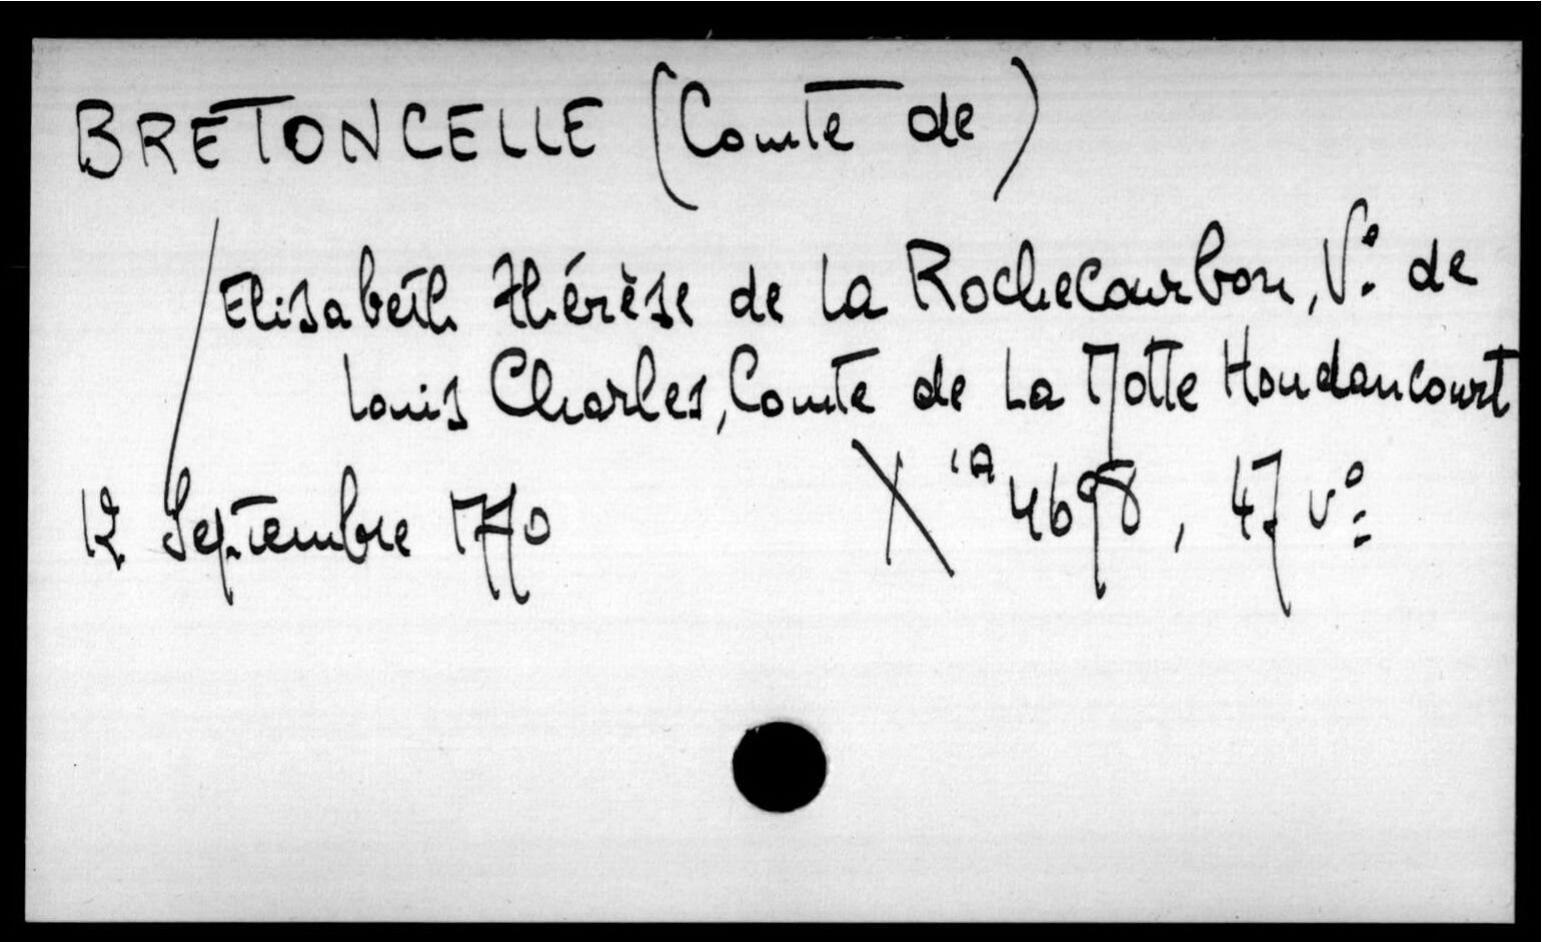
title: BRETONCELLE (Comte de)
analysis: Contre Élisabeth Hhérèse de la Rochecourbon, veuve de Louis Charles, comte de La Motte Houdancourt
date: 12 septembre 1770
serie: X1A
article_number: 4678
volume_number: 47v
